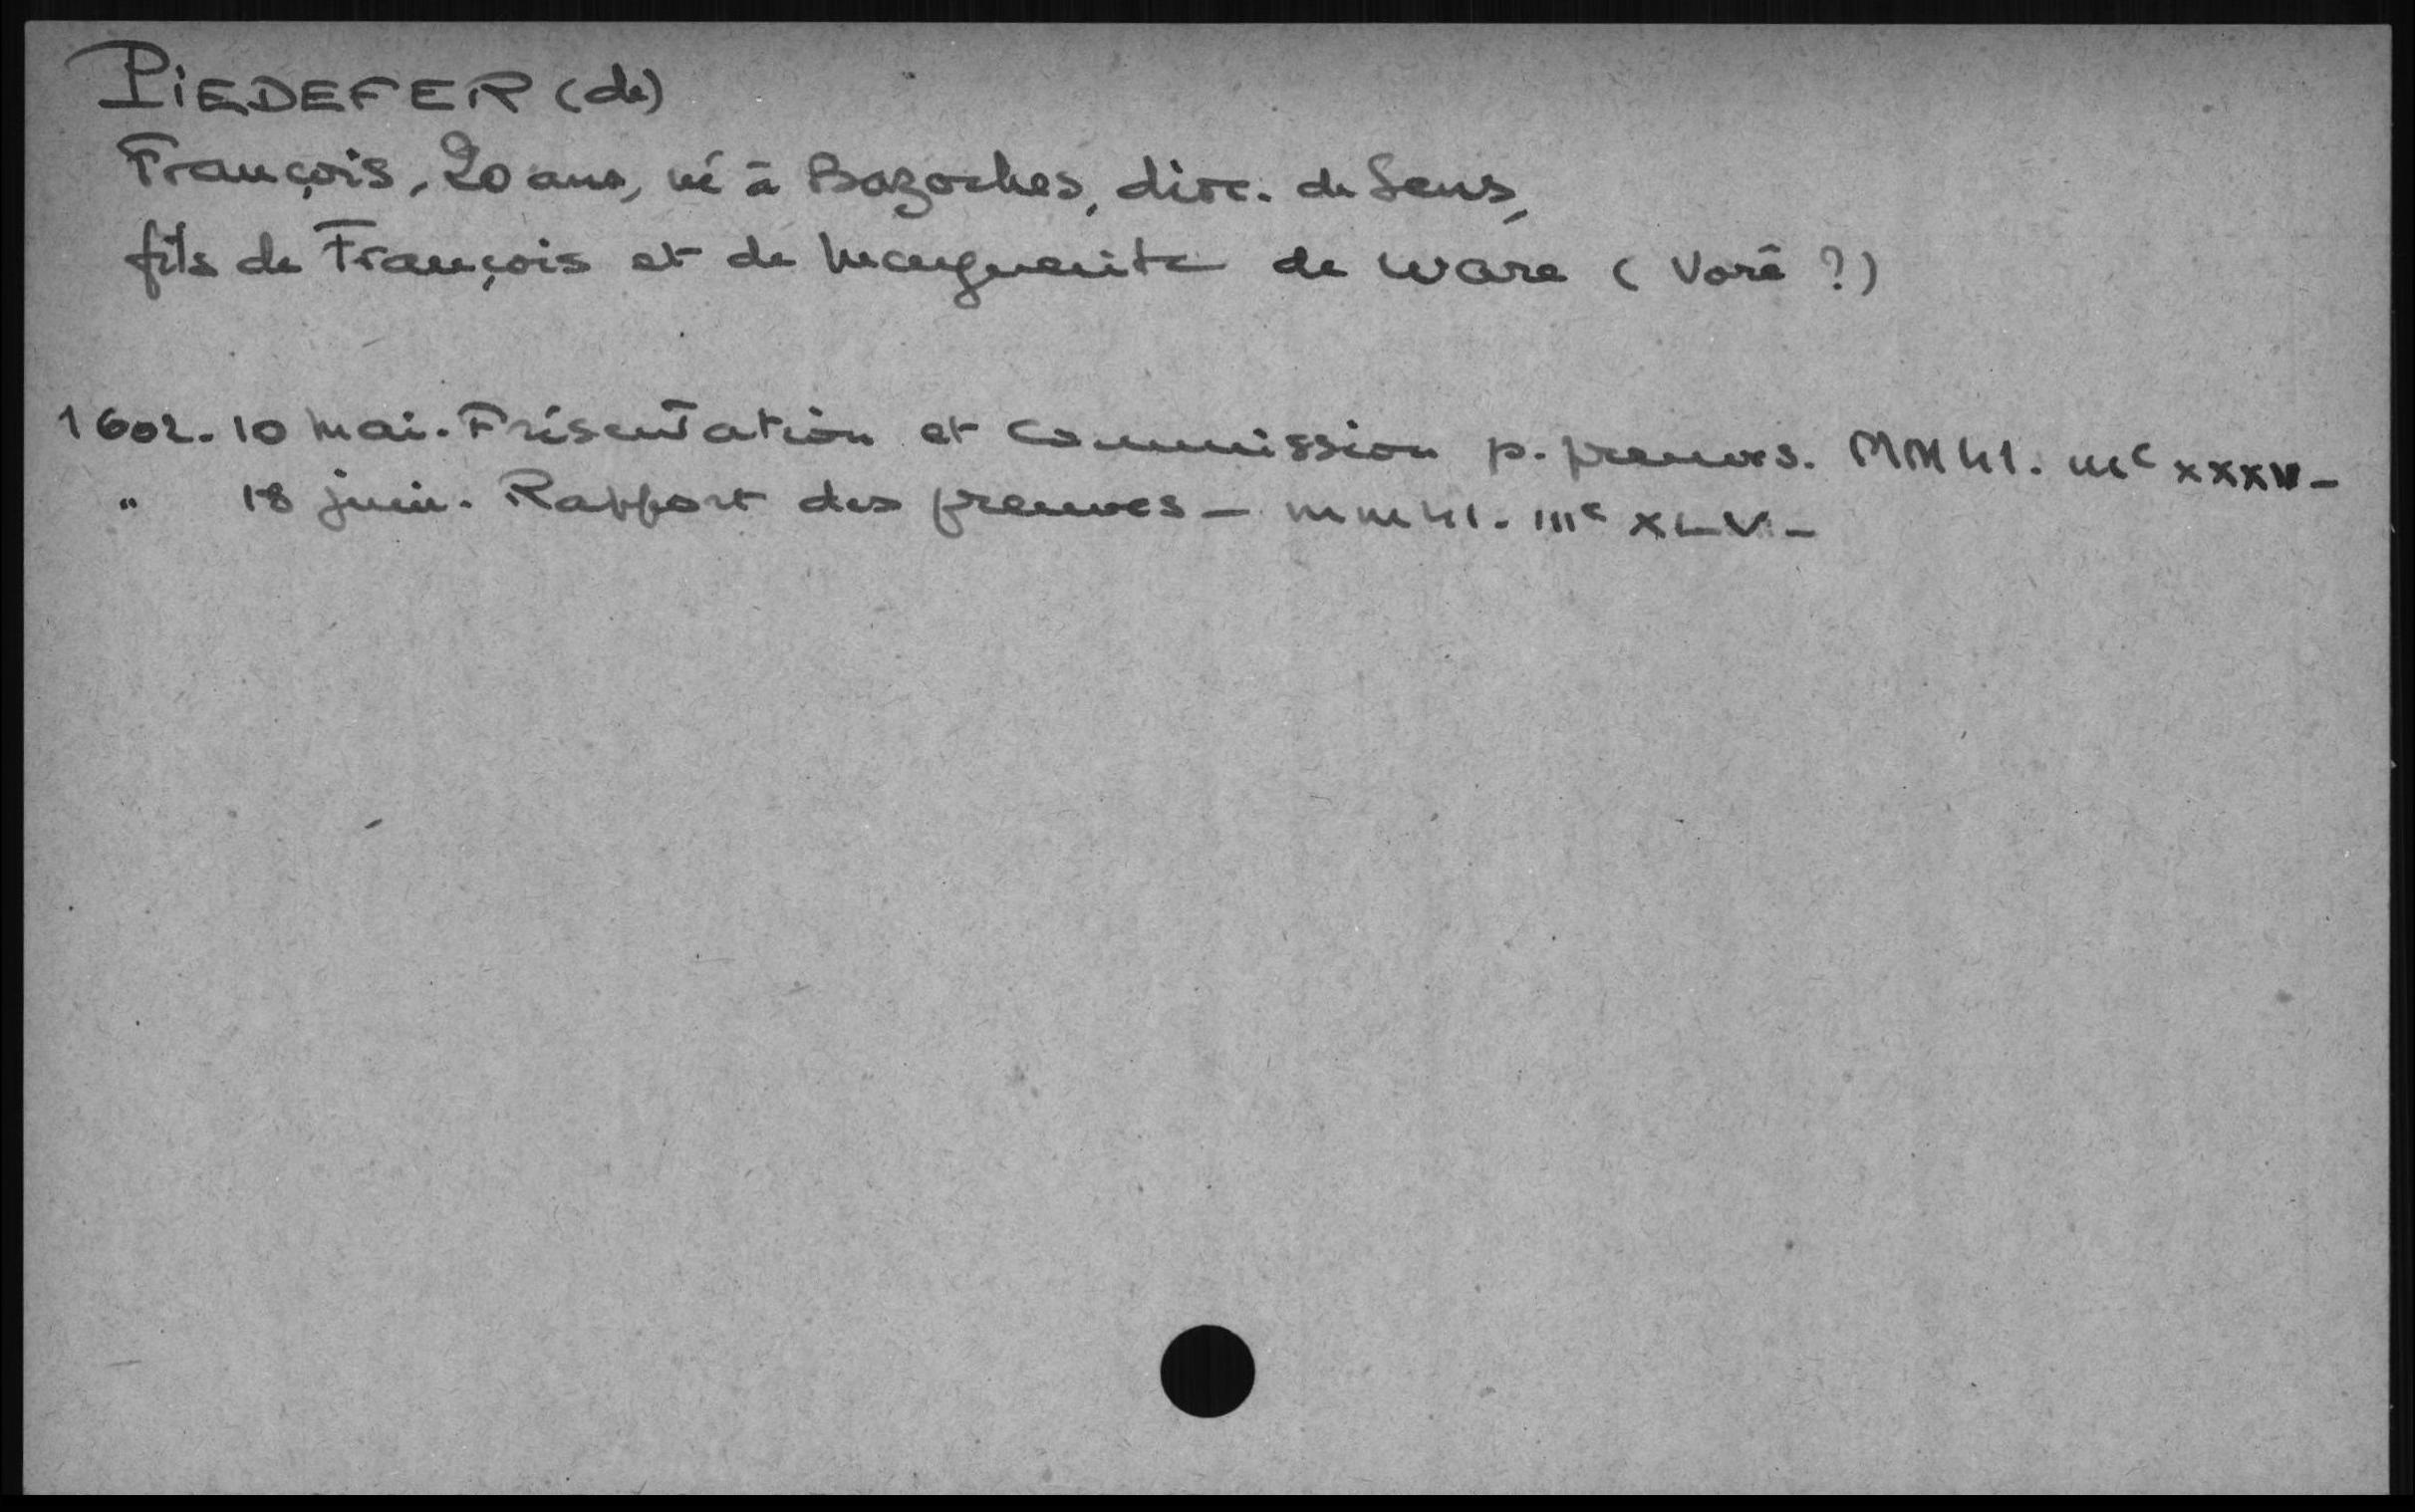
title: PIEDEFER (de) François,, 20 ans, né à Bazoches, diocèse de Sens, fils de François et de Marguerite de Ware (Varé ?)
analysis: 1602, 10 mai. Présentation et commission pour preuves. MM 41, IIIC XXXV 1602, 18 juin. Rapport des preuves. MM 41, IIIC XLV
